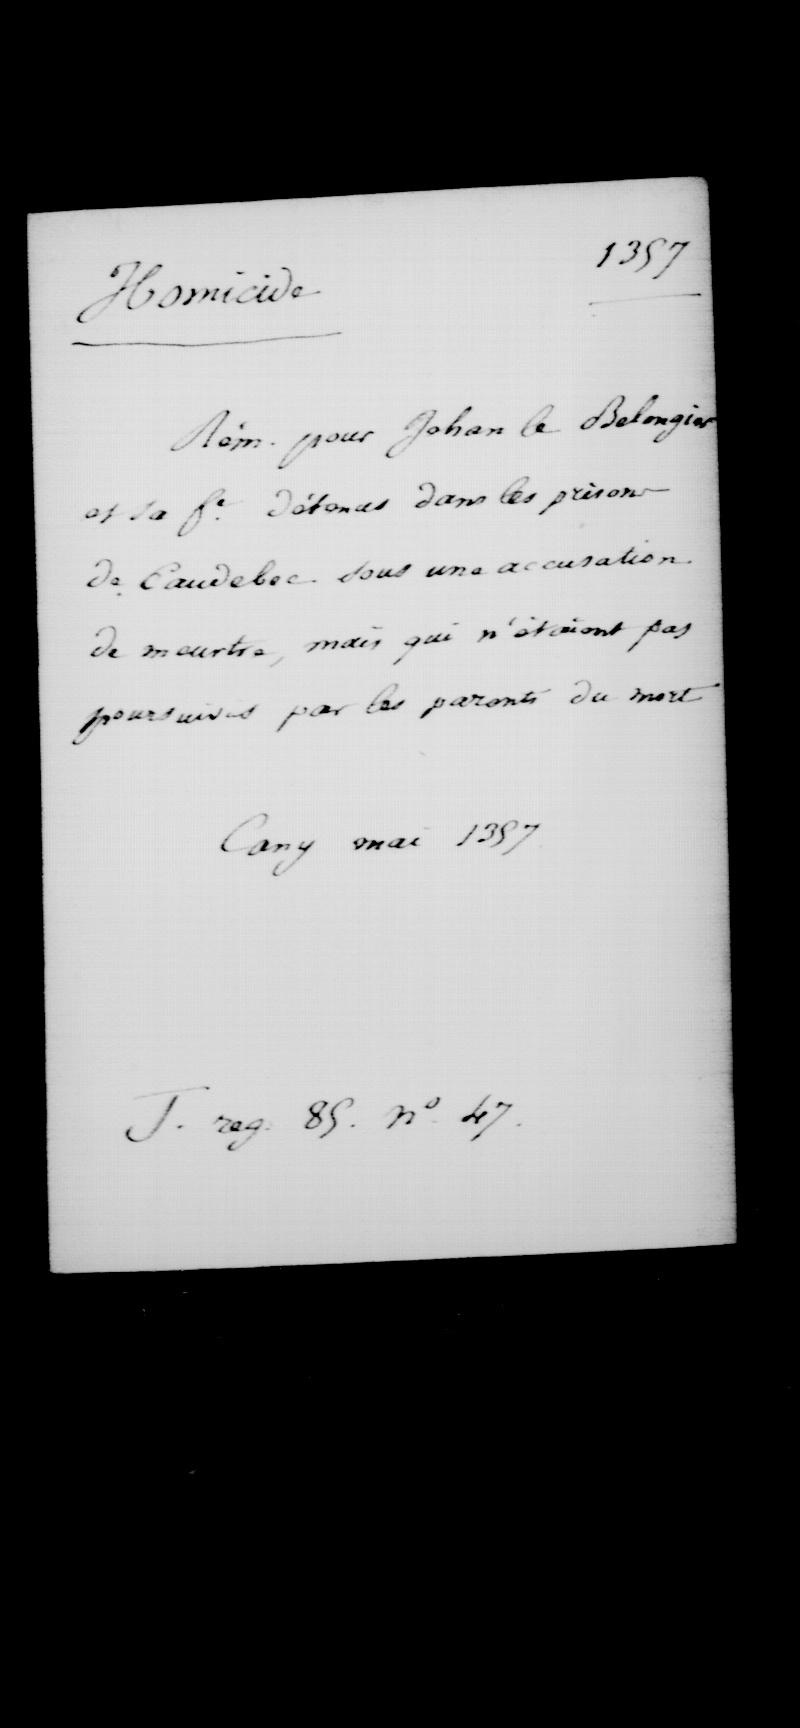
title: Homicide
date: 1357
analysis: Rémission pour Jehan le Belengier et sa femme détenus dans les prisons de Caudebec sous une accusation de meurtre, mais qui n’étaient pas poursuivis par les parents du mort Cany mai 1357
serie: J
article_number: reg. 85
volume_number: n° 47
